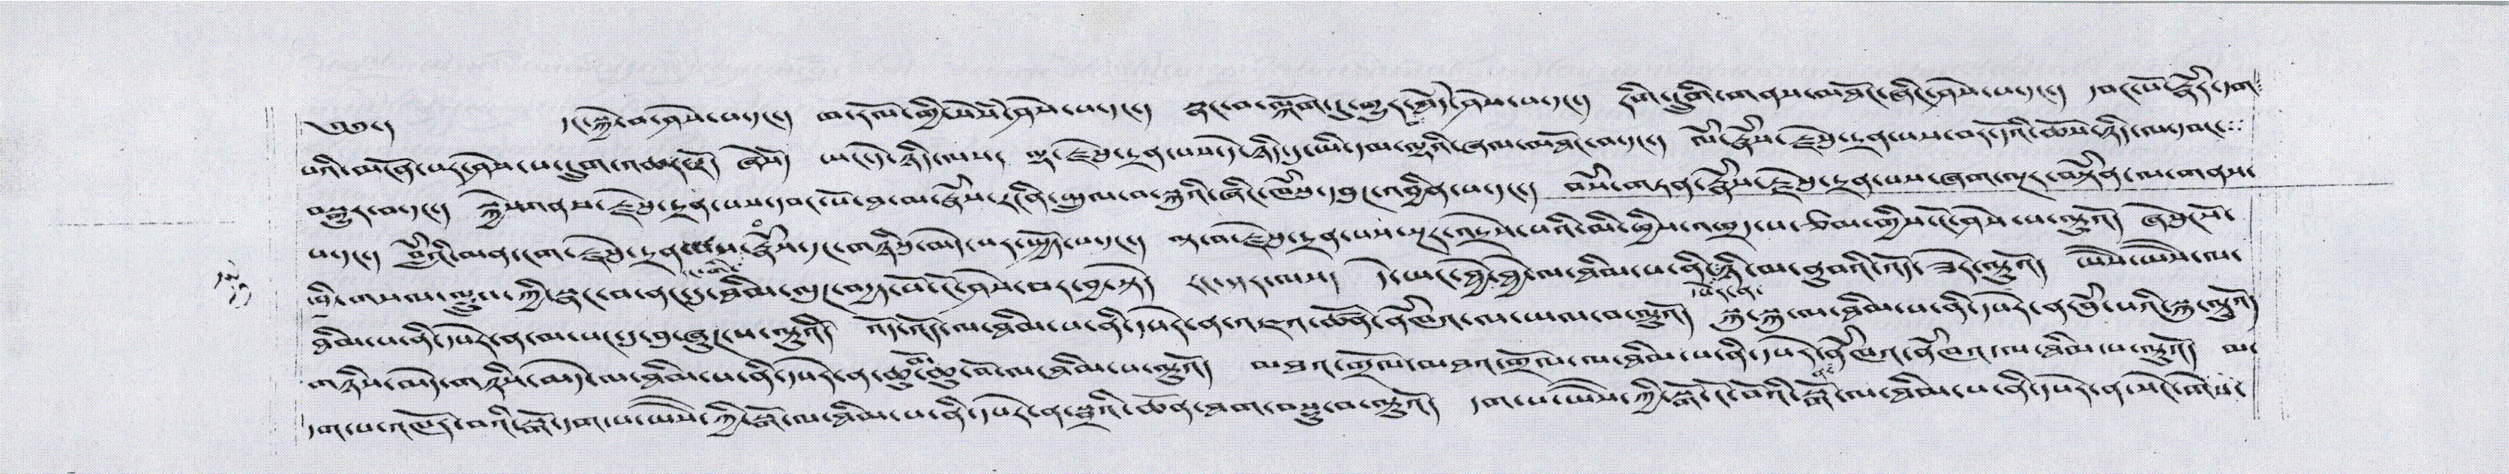དང་སྐྱེ་བ་ཤེས་པ་དང། ཕ་རོལ་གྱི་སེམས་ཤེས་པ་དང། སྣང་བ་ལྐོག་ཏུ་གྱུར་བ་ཐམས་ཅད་ཤེས་པ་དང། རིག་དྲུག་གི་གནས་མཐོང་ཞིང་ཞེས་པ་དང། དབང་པོ་རྣམ་པར་དག་
པའི་མངོན་པར་ཤེས་པ་དྲུག་འཆར་རོ། ཞེས་སོ། ཡང་དེ་ཉིད་ལས། ལྷ་རྗེས་སུ་དྲན་པས་དེ་ཉིད་དུ་ཡི་དམ་ལྷའི་ཞལ་མཐོང་བ་དང། ལམ་རྣམས་རྗེས་སུ་དྲན་པས་བར་དོའི་ཆོས་ཉིད་ལ་དབང་
བསྒྱུར་བ་དང། སྐྱེས་གནས་རྗེས་སུ་དྲན་པས་དབང་པོ་ཐ་མ་རྣམས་རང་བཞིན་སྤྲུལ་པ་སྐུའི་ཞིང་ཁམས་དབུགས་འབྱིན་པ་དང། བསམ་གཏན་རྣམས་རྗེས་སུ་དྲན་པས་ཞག་ལྔར་བསྟན་ལ་གནས་
པ་དང། བླ་མའི་མན་ངག་རྗེས་སུ་དྲན་པས་རང་གི་རྣམས་དང་གཉིས་སུ་མེད་པར་སྤྱོད་པ་དང། ལྟ་བ་རྗེས་སུ་དྲན་པས་སྔར་འདྲེས་པའི་མི་ཕྱིས་འཕྲད་པ་ཙམ་གྱིས་ངོ་ཤེས་པ་ལྟ་བུའོ། ཞེས་གསུངས་སོ། 
ཕྱི་གསལ་ལྷུན་གྲུབ་ཀྱི་སྣང་བ་ནང་དུ་ཐིམ་ལུགས་བརྒྱད་པོ་ངོ་ཤེས་པར་བྱ་སྟེ། རང་ཤར་ལས། དེ་ཡང་ཐུགས་རྗེ་ཐུགས་རྗེ་ལ་ཐིམ་པ་ནི་དཔེར་ན་ཉི་མ་ནུབ་པའི་འོད་ཟེར་ལྟ་བུའོ། ཡེ་ཤེས་ཡེ་ཤེས་ལ་
ཐིམ་པ་ནི་དཔེར་ན་མ་པང་དུ་བུ་ཞུགས་པ་ལྟ་བུའོ། འོད་འོད་ལ་ཐིམ་པ་ནི་དཔེར་ན་འཇའ་ཚོན་ནམ་མཁའ་ལ་ཡལ་བ་ལྟ་བུའོ། སྐུ་སྐུ་ལ་ཐིམ་པ་ནི་དཔེར་ན་བུམ་པའི་སྐུ་ལྟ་བུའོ། 
གཉིས་མེད་གཉིས་མེད་ལ་ཐིམ་པ་ནི་དཔེར་ན་ཆུ་བོ་ཆུ་བོ་ལ་ཐིམ་པ་ལྟ་བུའོ། མཐའ་གྲོལ་མཐའ་གྲོལ་ལ་ཐིམ་པ་ནི་དཔེར་ན་ནམ་མཁའ་ནམ་མཁའ་ལ་ཐིམ་པ་ལྟ་བུའོ། མ་
དག་པ་འཁོར་བའི་སྒོ་དག་པ་ཡེ་ཤེས་ཀྱི་སྒོ་ལ་ཐིམ་པ་ནི་དཔེར་ན་སྦྲའི་ཆོན་ཐག་བསྡུ་བ་ལྟ་བའོ། དག་པ་ཡེ་ཤེས་ཀྱི་སྒོ་ངོ་བོའི་སྒོ་ལ་ཐིམ་པ་ནི་དཔེར་ན་སེང་གེས་